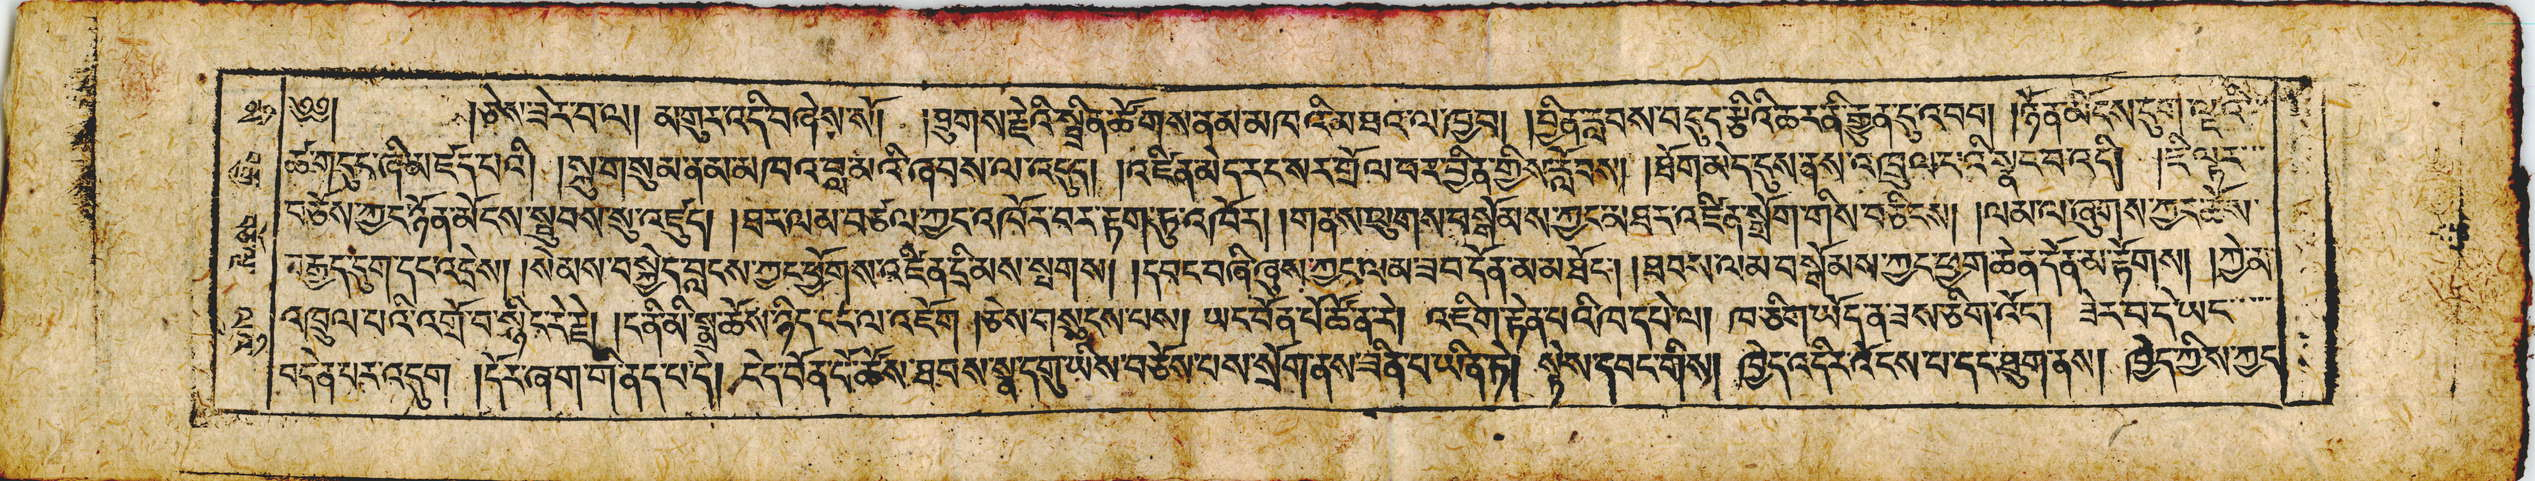ཅེས་ཟེར་བ་ལ། མགུར་འདི་བཞེས་སོ། །ཐུགས་རྗེའི་སྤྲིན་ཚོགས་ནམ་མཁའི་མཐའ་ལ་ཁྱབ། །བྱིན་རླབས་བདུད་རྩིའི་ཆར་ནི་རྒྱུན་དུ་འབབ། །ཉོན་མོངས་དུག་ལྔའི་
ཚ་གདུང་ཞི་མཛད་པའི། །སྐུ་གསུམ་ནམ་མཁའ་བླ་མའི་ཞབས་ལ་འདུད། །འཛིན་མེད་རང་སར་གྲོལ་བར་བྱིན་གྱིས་རློབས། །ཐོག་མེད་དུས་ནས་འཁྲུལ་པའི་སྣང་བ་འདི། །ཇི་ལྟར་
བཅོས་ཀྱང་ཉོན་མོངས་སྦུབས་སུ་འཛུད། །ཐར་ལམ་བཙལ་ཀྱང་འཁོར་བར་རྟག་ཏུ་འཁོར། །གནས་ལུགས་བསྒོམས་ཀྱང་མཐར་འཛིན་སྒྲོག་གིས་བཅིངས། །ལམ་ལ་ཞུགས་ཀྱང་ཆོས་
བརྒྱད་དུག་དང་འདྲེས། །སེམས་བསྐྱེད་བླངས་ཀྱང་ཕྱོགས་འཛིན་དྲི་མས་སྦགས། །དབང་བཞི་ཞུས་ཀྱང་ལམ་ཟབ་དོན་མ་མཐོང་། །ཐབས་ལམ་བསྒོམས་ཀྱང་ཕྱག་ཆེན་དོན་མ་རྟོགས། །ཀྱེ་མ་
འཁྲུལ་པའི་འགྲོ་བ་སྙིང་རེ་རྗེ། །ང་ནི་མི་སྨྲ་ཆོས་ཉིད་ངང་ལ་འཇོག །ཅེས་གསུངས་པས། ཡང་བོན་པོ་ཚོ་ན་རེ། འཇིག་རྟེན་པའི་ཁ་དཔེ་ལ། ཁ་ཅིག་ཡོད་ན་ཟས་ཅིག་འོང་། ཟེར་བ་དེ་ཡང་
བདེན་པར་འདུག །དོར་ཞག་གི་ནད་པ་དེ། ངེད་བོན་པོ་ཚོས་ཐབས་སྣ་དགུ་ཡིས་བཅོས་པས་སྲོག་ནས་ཟིན་པ་ཡིན་ཏེ། སྟེས་དབང་གིས། ཁྱེད་འདིར་འོངས་པ་དང་ཐུག་ནས། ཁྱེད་ཀྱིས་ཀྱང་